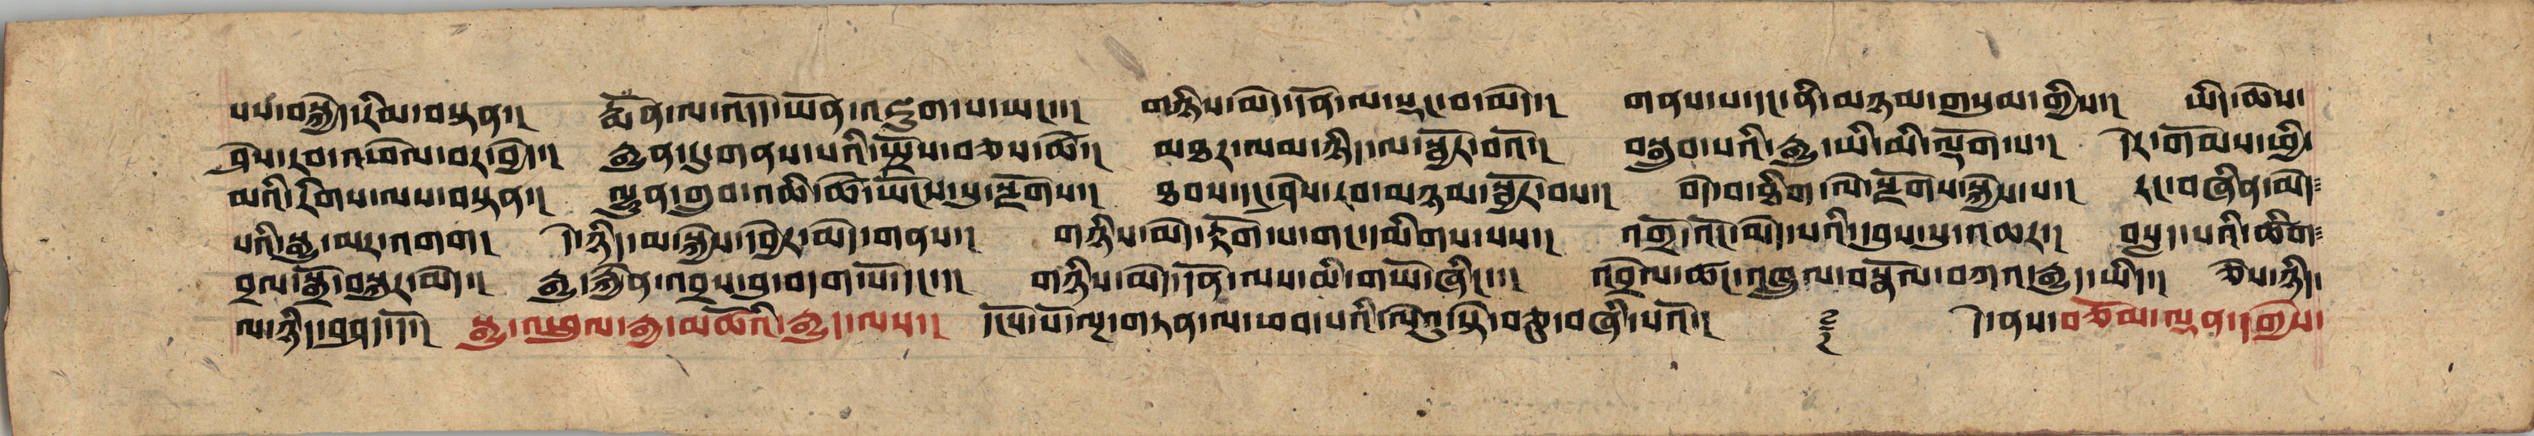པས་བསྐྱེད་རིམ་བསྟན་། རྨོན་ལ་འདོད་ཡོན་འཇུག་པ་ཡང་་། མཉིས་མེད་དོན་ལ་སྡང་བ་མེད་། གནས་པ་དང་ནི་མཉམ་གསུམ་གྱིས་། ཡིད་ཆེས་
ཤེས་རབ་འཕེལ་བར་བྱེད་། རྒྱུན་དུ་གནས་པའི་སྤྲོས་བཅས་ཚེ་། མཐར་ལམ་ཉིད་ལ་སྦྱོར་བའོ་། བསྒྲུབ་པའི་རྒྱུ་ཡི་མི་ལྡོག་པ་། དེར་གོམས་ཕྱི་
མའི་རིགས་ལས་བསྟན་། ལྷུན་གྲུབ་འཆི་ཚེ་ཡོངས་སུ་སྫོགས་། ཐབས་དང་ཤེས་རབ་མཉམ་སྦྱོར་བས་། བདེ་བ་ཐིག་ལེ་སྫོགས་སྐྱེས་པ་། རང་བཞིན་མེད་
པའི་སྒྱུ་མར་འགག། དེ་ཉིད་མ་སྐྱེས་དབྱེར་མེད་གནས་། གཉིས་མེད་རྟོག་པ་གང་དམིགས་པས་། འགྲོ་འོང་མེད་པའི་དབུས་སུ་འཆར་། བསླད་པའི་ཚིག་
བྲལ་སྒྲོ་བསྐུར་མེད་། རྒྱུ་རྐྱེན་འབྲས་བུ་བདག་པོ་དང་་། གཉིས་མེད་དོན་ལས་མི་གཡོ་ཞིང་་། འབྲེལ་ཚད་འཁྲུལ་བསྣོལ་བཀའ་རྒྱུད་ཡིད་། ཅེས་ཉིད་
ལ་ཉིད་བཤད་དོ་། སྒྱུ་འཕྲུལ་རྒྱ་མཚོའི་རྒྱུད་ལས་། དངོས་པོ་ལྔ་གཏན་ལ་ཕབ་པའི་ལེའུ་སྟེ་བཅུ་བཞི་པའོ་། ࿑ དེ་ནས་བཅོམ་ལྡན་དགྱེས་